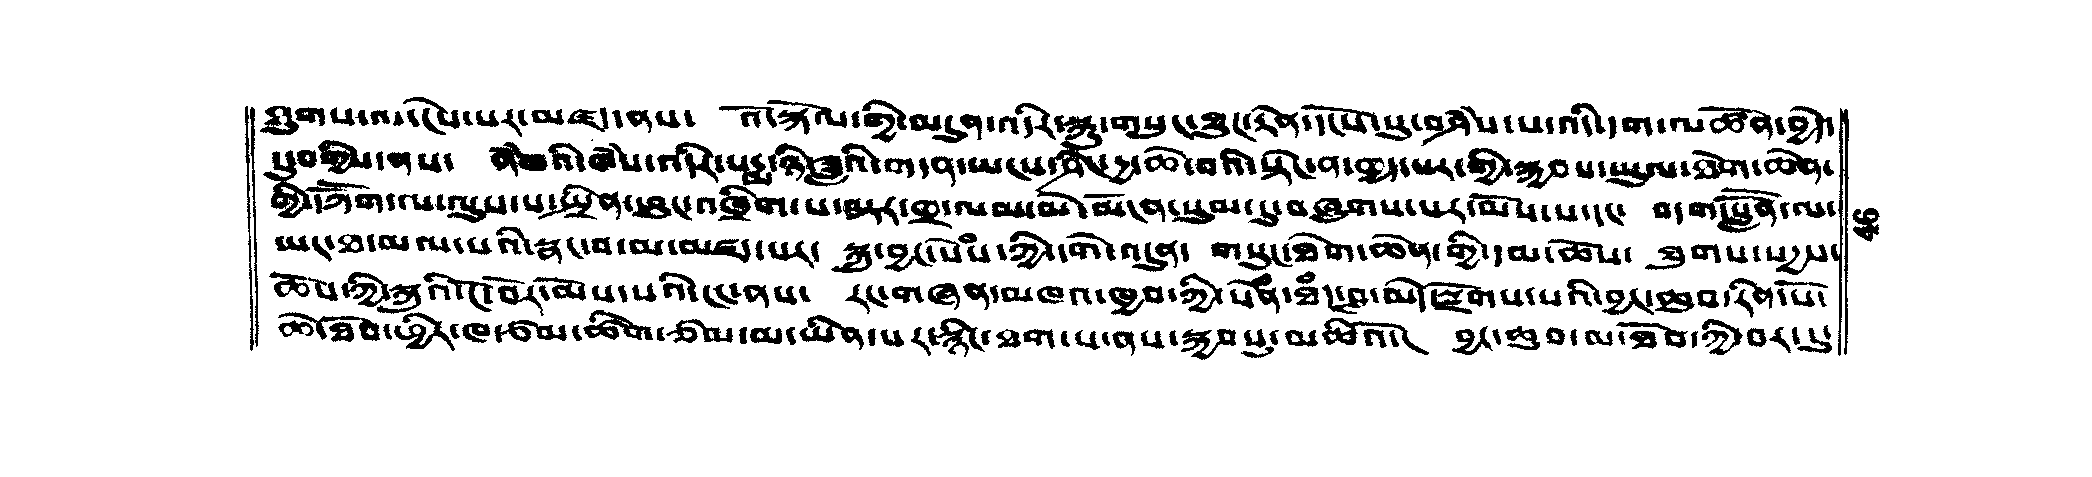ཐུགས་ལ་ངེས་པར་མཛད་ནས། འོ་སྐོལ་གྱི་མདུན་འདིར་སྐུ་གསུང་ཐུགས་རྟེན་དངོས་སུ་བཤམས་པ་འདི་དག་མཚོན་བྱེད་
དུ་བགྱིས་ནས། ནམ་མཁའི་ཁམས་འདིར་པདྨ་ཉིད་ཟླའི་གདན་ཡངས་ཤིང་རྒྱ་ཆེ་བའི་སྟེང་ན་ཁྱད་པར་ལྒཡི་སྐྱབས་ཡུལ་ཐེག་ཆེན་
གྱི་དཀོན་མཆོག་མ་ལུས་པ་སྤྲིན་ཕུང་འཁྲིག་པ་ལྟར་ཁྲ་ལམ་མེ་མངོན་སུམ་དུ་བཞུགས་པར་མོས་པ་དང་།བདག་སློབ་དཔོན་ལ་
ཡང་ཐ་མལ་པའི་སྣང་བ་མ་མཛད་པར། སྐུ་བྱང་སེམས་ཀྱི་དགེ་འདུན། གསུང་ཐེག་ཆེན་གྱི་དམ་ཆོས། ཐུགས་སངས་རྒྱས་
ཆོས་ཀྱི་སྐུའི་ངོ་བོར་མོས་པའི་ངང་ནས། རང་གཞན་མཁའ་ཁྱབ་ཀྱི་སེམས་ཅན་ཐམས་ཅད་ཐམས་ཅད་བླ་མེད་རྫོགས་པའི་བྱང་ཆུབ་རིན་པོ་
ཆེ་ཐོབ་ཕྱིར་ཁ་ཙམ་ཚིག་ཙམ་མ་ཡིན་པར་སྙིང་ཐག་པ་ནས་སྐྱབས་སུ་མཆིའོ། བྱང་ཆུབ་མ་ཐོབ་ཀྱི་བར་དུ་